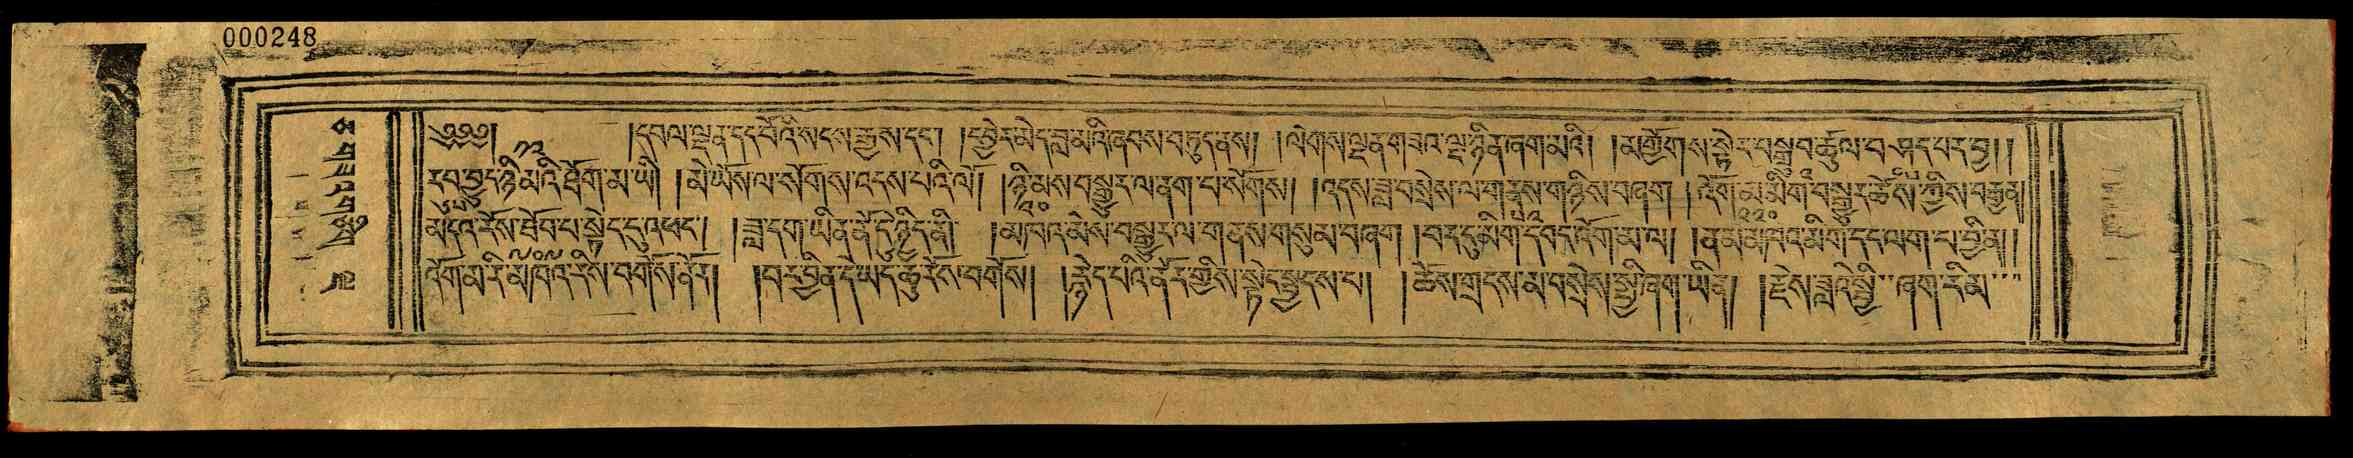༄༅༅། །དཔལ་ལྡན་དང་པོའི་སངས་རྒྱས་དང་། །དབྱེར་མེད་བླ་མའི་ཞབས་བཏུད་ནས། །ལེགས་ལྡན་གཟའ་ལྔ་ཉིན་ཞག་མའི། །མགྱོགས་སྟེར་བསྒྲུབ་ཚུལ་བཤད་པར་བྱ།།
རབ་བྱུང་ཉི་མའི་ཐོག་མ་ཡི། །མེ་ཡོས་ལ་སོགས་འདས་པའི་ལོ། །ཉི་མས་བསྒྱུར་ལ་ནག་པ་སོགས། །འདས་ཟླ་བསྲེས་ལ་གནས་གཉིས་བཞག །འོག་མ་མིག་བསྒྱུར་ཚེས་ཀྱིས་བརྒྱན་
མངའ་རོས་ཐོབ་པ་སྟེང་དུ་འཕང་། །ཟླ་དག་ཡིན་ནོ་དེ་ཉིད་ནི། །མཁའ་མས་བསྒྱུར་ལ་གནས་གསུམ་བཞག། བར་དུ་མིག་དབང་འོག་མ་ལ། །ནམ་མཁའ་མིག་དང་ལག་པ་བྱིན།།
འོག་མ་རི་མཁའ་རིས་བགོས་ནོར། །བར་བྱིན་དེ་ཡང་ཆུ་ངོས་བགོས། །རྙེད་པའི་ནོར་གྱིས་སྟེང་སྦྱངས་པ། །ཚེས་གྲངས་མ་བསྲེས་སྤྱི་ཞག་ཡིན། །རྗེས་ཟའི་སྤྱི་་་ཞག་རིམ་